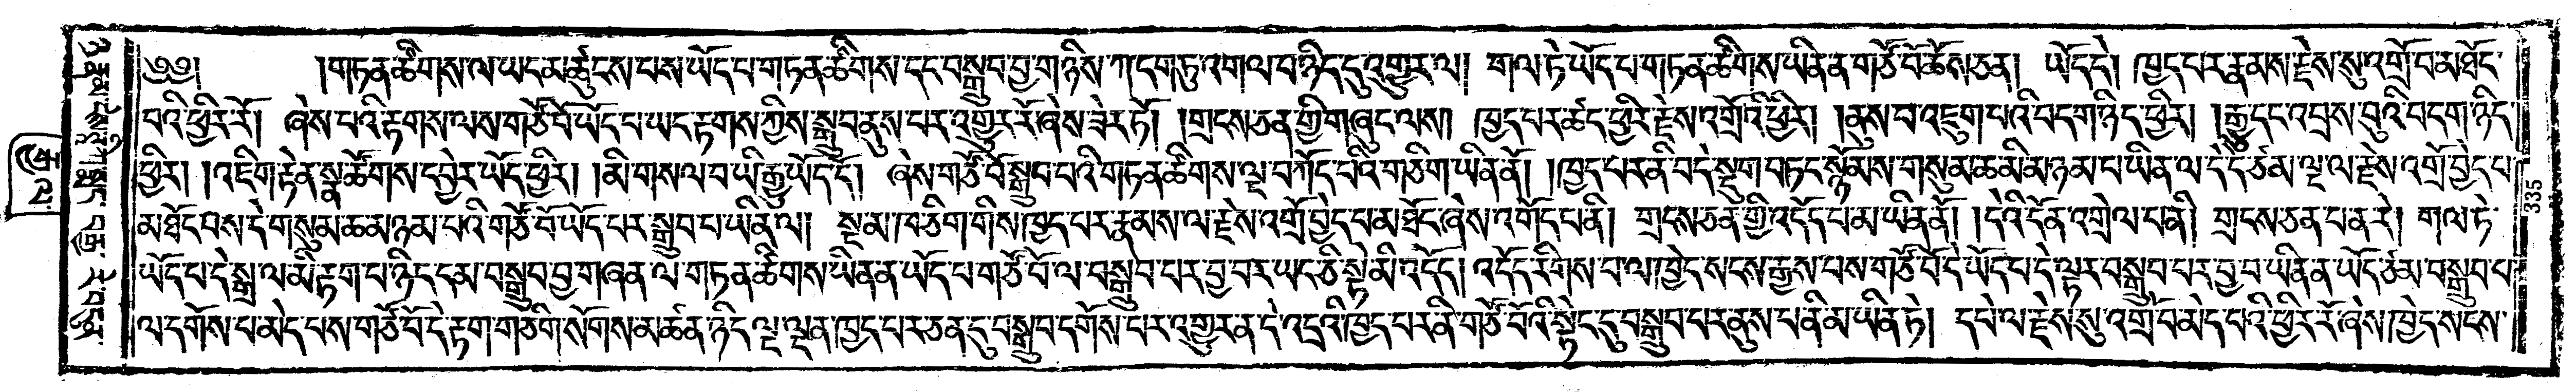༄༅། །གཏན་ཚིགས་ལ་ཡང་མཚུངས་པས་ཡོད་པ་གཏན་ཚིགས་དང་བསྒྲུབ་བྱ་གཉིས་ཀ་དག་ཏུ་འགལ་བ་ཉིད་དུ་འགྱུར་ལ། གལ་ཏེ་ཡོད་པ་གཏན་ཚིགས་ཡིན་ན་གཙོ་བོ་ཆོས་ཅན། ཡོད་དེ། ཁྱད་པར་རྣམས་རྗེས་སུ་འགྲོ་བ་མཐོང་
བའི་ཕྱིར་རོ། ཞེས་པའི་རྟགས་ལས་གཙོ་བོ་ཡོད་པ་ཡང་རྟགས་ཀྱིས་སྒྲུབ་ནུས་པར་འགྱུར་རོ་ཞེས་ཟེར་ཏོ། །གྲངས་ཅན་གྱི་གཞུང་ལས། ཁྱད་པར་ཚད་ཕྱིར་རྗེས་འགྲོའི་ཕྱིར། །ནུས་པ་འཇུག་པའི་བདག་ཉིད་ཕྱིར། །རྒྱུ་དང་འབྲས་བུའི་བདག་ཉིད་
ཕྱིར། །འཇིག་རྟེན་སྣ་ཚོགས་དབྱེར་ཡོད་ཕྱིར། །མི་གསལ་བ་ཡི་རྒྱུ་ཡོད་དོ། ཞེས་གཙོ་བོ་སྒྲུབ་པའི་གཏན་ཚིགས་ལྔ་བཀོད་པའི་གཅིག་ཡིན་ནོ། །ཁྱད་པར་ནི་བདེ་སྡུག་བཏང་སྙོམས་གསུམ་ཆ་མི་མཉམ་པ་ཡིན་ལ་དེ་དེ་ཙམ་ལྔ་ལ་རྗེས་འགྲོ་བྱེད་པ་
མཐོང་བས་དེ་གསུམ་ཆ་མཉམ་པའི་གཙོ་བོ་ཡོད་པར་སྒྲུབ་པ་ཡིན་ལ། སྔ་མ་ཁ་ཅིག་གིས་ཁྱད་པར་རྣམས་ལ་རྗེས་འགྲོ་བྱེད་པ་མཐོང་ཞེས་འགོད་པ་ནི། གྲངས་ཅན་གྱི་འདོད་པ་མ་ཡིན་ནོ། །དེའི་དོན་འགྲེལ་པ་ནི། གྲངས་ཅན་པ་ན་རེ། གལ་ཏེ་
ཡོད་པ་དེ་སྒྲ་ལ་མི་རྟག་པ་ཉིད་དམ་བསྒྲུབ་བྱ་གཞན་ལ་གཏན་ཚིགས་ཡིན་ན་ཡོད་པ་གཙོ་བོ་ལ་བསྒྲུབ་པར་བྱ་བར་ཡང་ཅི་སྟེ་མི་འདོད། འདོད་རིགས་པ་ལ་ཁྱེད་སངས་རྒྱས་པས་གཙོ་བོ་དེ་ཡོད་པ་དེ་ལྟར་བསྒྲུབ་པར་བྱ་བ་ཡིན་ན་ཡོད་ཙམ་བསྒྲུབ་པ་
ལ་དགོས་པ་མེད་པས་གཙོ་བོ་དེ་རྟག་གཅིག་སོགས་མཚན་ཉིད་ལྔ་ལྡན་ཁྱད་པར་ཅན་དུ་བསྒྲུབ་དགོས་པར་འགྱུར་ན་དེ་འདྲའི་ཁྱད་པར་ནི་གཙོ་བོའི་སྟེང་དུ་བསྒྲུབ་པར་ནུས་པ་ནི་མ་ཡིན་ཏེ། དཔེ་ལ་རྗེས་སུ་འགྲོ་བ་མེད་པའི་ཕྱིར་རོ་ཞེས་ཁྱེད་སངས་